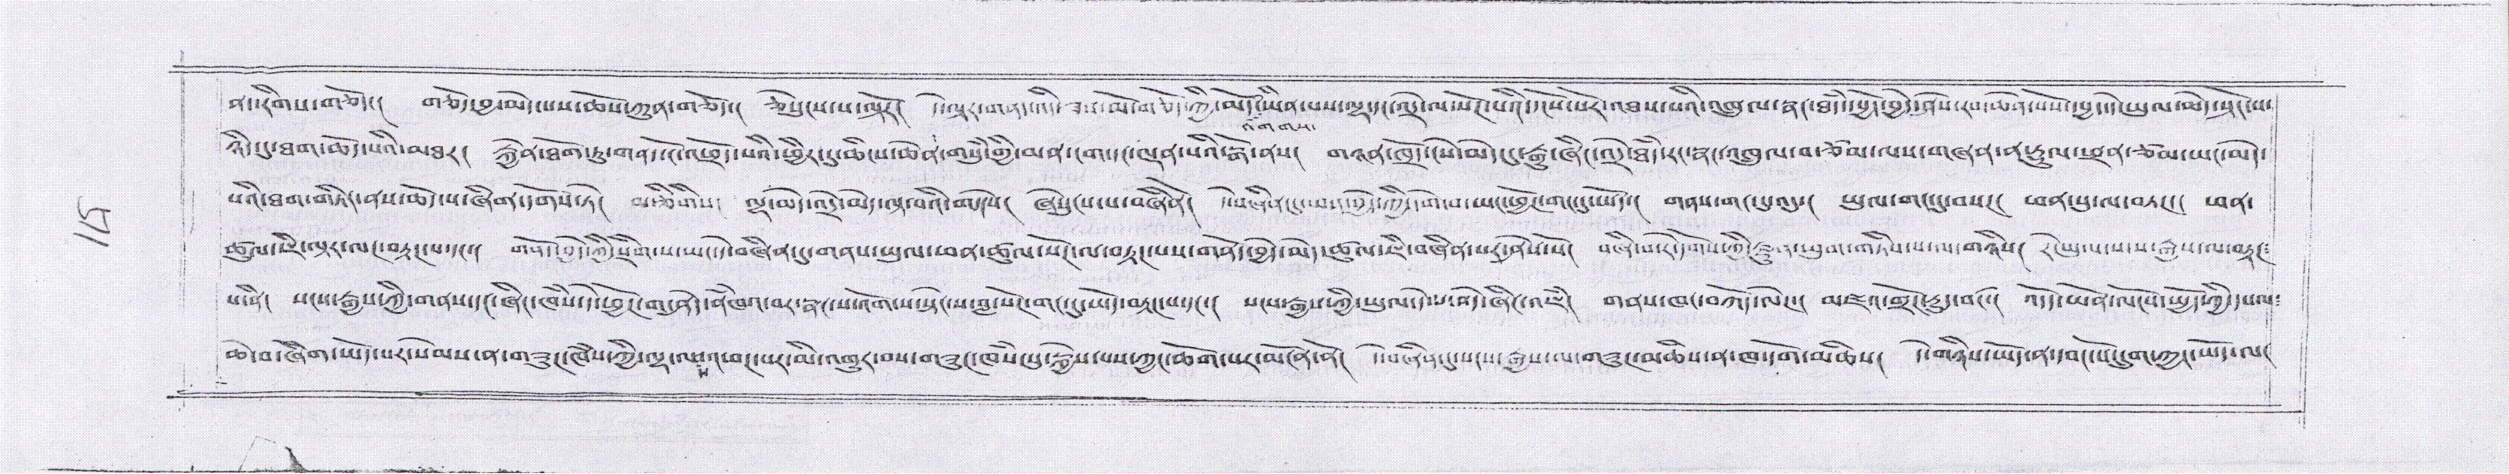ནང་རིགས་གཅོད། །གཅོད་བྱ་མེད་པས་ཆོས་ཀུན་གཅོད། །ཅེས་གསུངས་པ་ལྟར་རོ། དེ་ལྟར་གནས་འདི་ཟབ་མོ་གཅོད་ཀྱི་མདོ་འགག་ཡིན་པས་ལྷ་དང་འདྲེ་ལ་སོགས་པའི་དངོས་པོར་འཐས་པའི་འཁྲུལ་སྣང་དཔྱོད་བྱེད་ཤེས་རབ་ཆེན་པོས་དཔྱད་དེ་ཡུལ་མེད་སྟོང་པ་
ཉིད་དུ་ཐག་ཆོད་པའི་མཐར། རྐྱེན་ཐོག་ཏུ་གནད་ངོ་འཕྲོད་པའི་ཕྱིར་དུ་ཆིངས་ཆེན་གསུམ་གྱི་མན་ངག་དང་ལྡན་པའི་སྒོ་ནས། གཉན་ཁྲོད་ངེས་མེད་དུ་རྒྱུ་ཞིང་འདྲེ་ཐམས་ཅད་རང་སྣང་འཁྲུལ་པ་ཙམ་ལས་གཞན་ན་རྡུལ་ཕྲན་ཙམ་ཡང་མེད་
པའི་ཐག་གཏིང་ནས་ཆོད་པ་ཞིག་དགོས་ཏེ། མ་ཅིག་གིས། ལྷ་མེད་འདྲེ་མེད་ལྟ་བའི་གདེངས། །ཞེས་གསུངས་པ་བཞིན་ནོ། །དེ་བཞིན་དུ་ཕན་བྱེད་ཀྱི་དགེ་བ་ཡང་ཕྱོགས་གང་དུ་ཡོད། གནས་གང་དུ་འདུ། ཡུལ་གང་དུ་བསགས། ཕན་སུ་ལ་བཏགས། ཕན་
ཚུལ་ཇི་ལྟར་ལགས་བརྟགས་པ་དང་། གནོད་བྱེད་ཀྱི་སྡིག་པའང་དེ་བཞིན་དུ་གནས་ཡུལ་ཕན་ཚུལ་སོགས་ལ་བརྟགས་པས་གནོད་བྱེད་མེད་ཚུལ་ཇི་བཞིན་པར་ཤེས་སོ། །བཞི་པ་རེ་དྭོགས་ཀྱི་རྫུན་ཕུག་རྟིབ་པ་ལ་གཉིས། རེ་ཡུལ་སངས་རྒྱས་ལ་བརྟགས་
པ་ནི། སངས་རྒྱས་ཀྱི་གནས་དང་ཞིང་ཁམས་དེ་ཕྱོགས་ག་ཤེད་ནམ་མཁའ་བར་སྣང་ས་འོག་ས་སྟེང་ས་བླ་སོགས་གང་དུ་ཡོད་བརྟགས་པ་དང་། སངས་རྒྱས་ཀྱི་ཡུལ་དེ་ལ་བདེ་ཞིང་འཇམ། གནས་ཁང་བཀོད་ལེགས། མཛའ་གྲོགས་རྒྱུད་བཟང་། འདོད་ཡོན་ལོངས་སྤྱོད་ཀྱི་དཔལ་
ཆེ་བ་ཞིག་ཡོད་པར་སེམས་ན་གཟུགས་ཁམས་ཀྱི་ལྷ་ལས་འཕགས་པར་མི་འགྱུར་བས་གཟུགས་ཁམས་སུ་སྐྱེས་པས་ཆོག་པར་མངོན་ནོ། །དེ་བཞིན་དུ་སངས་རྒྱས་ལ་གཟུགས་མཆིས་ན་ཁ་དོག་མཆིས། དེ་གཉིས་ཡོད་ན་དབང་པོ་དྲུག་ཀྱང་ཡོད་ལ།